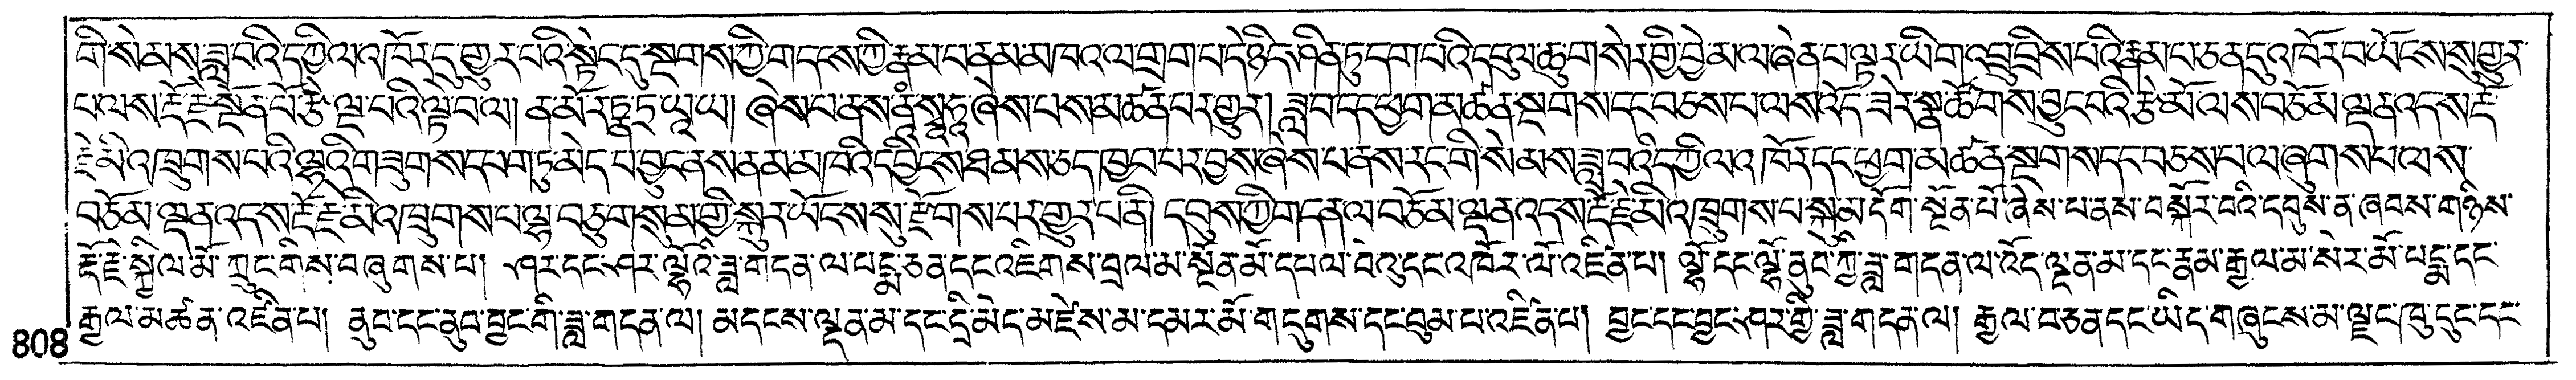གི་སེམས་ཟླ་བའི་དཀྱིལ་འཁོར་དུ་གྱུར་པའི་སྟེང་དུ་སྔགས་ཀྱི་གདངས་ཀྱི་རྣམ་པ་ནམ་མཁའ་ལ་གྲག་པ་དེ་ཉིད་ཤིན་ཏུ་དག་པའི་དངུལ་ཆུ་གསེར་གྱི་བྱེ་མ་ལ་ཞེན་པ་ལྟར་ཡིག་འབྲུ་བྲིས་པའི་རྣམ་པ་ཅན་དུ་འཁོར་བ་ཡོངས་སུ་གྱུར་
པ་ལས་རྡོ་རྗེ་སྔོན་པོ་རྩེ་ལྔ་པའི་ལྟེ་བ་ལ། ན་མོ་རཏྣ་ཏྲ་ཡཱ་ཡ། ཞེས་པ་ནས་ནཱཾ་སྭཱཧཱ་ཞེས་པས་མཚན་པར་གྱུར། ཟླ་བ་དང་ཕྱག་མཚན་སྔགས་དང་བཅས་པ་ལས་འོད་ཟེར་སྣ་ཚོགས་བྱུང་བའི་རྩེ་མོ་ལས་བཅོམ་ལྡན་འདས་རྡོ་
རྗེ་མི་འཁྲུགས་པའི་ལྷའི་གཟུགས་དཔག་ཏུ་མེད་པ་བྱུང་ནས་ནམ་མཁའི་དབྱིངས་ཐམས་ཅད་ཁྱབ་པར་བྱས་ཞེས་པ་ནས་རང་གི་སེམས་ཟླ་བའི་དཀྱིལ་འཁོར་དང་ཕྱག་མཚན་སྔགས་དང་བཅས་པ་ལ་ཞུགས་པ་ལས་
བཅོམ་ལྡན་འདས་རྡོ་རྗེ་མི་འཁྲུགས་པ་ལྷ་བཅུ་གསུམ་གྱི་སྐུར་ཡོངས་སུ་རྫོགས་པར་གྱུར་པ་ནི། དབུས་ཀྱི་གདན་ལ་བཅོམ་ལྡན་འདས་རྡོ་རྗེ་མི་འཁྲུགས་པ་སྐུ་མདོག་སྔོན་པོ་ཞེས་པ་ནས་བསྐོར་བའི་དབུས་ན་ཞབས་གཉིས་
རྡོ་རྗེ་སྐྱིལ་མོ་ཀྲུང་གིས་བཞུགས་པ། ཤར་དང་ཤར་ལྷོའི་ཟླ་གདན་ལ་པདམ་ཅན་དང་འཇིགས་བྲལ་མ་སྔོན་མོ་དཔལ་བེའུ་དང་འཁོར་ལོ་འཛིན་པ། ལྷོ་དང་ལྷོ་ནུབ་ཀྱི་ཟླ་གདན་ལ་འོད་ལྡན་མ་དང་རྣམ་རྒྱལ་མ་སེར་མོ་པདམ་དང་
རྒྱལ་མཚན་འཛིན་པ། ནུབ་དང་ནུབ་བྱང་གི་ཟླ་གདན་ལ། མདངས་ལྡན་མ་དང་དྲི་མེད་མཛེས་མ་དམར་མོ་གདུགས་དང་བུམ་པ་འཛིན་པ། བྱང་དང་བྱང་ཤར་གྱི་ཟླ་གདན་ལ། རྒྱལ་བ་ཅན་དང་ཡིད་གཞུངས་མ་ལྗང་ཁུ་དུང་དང་